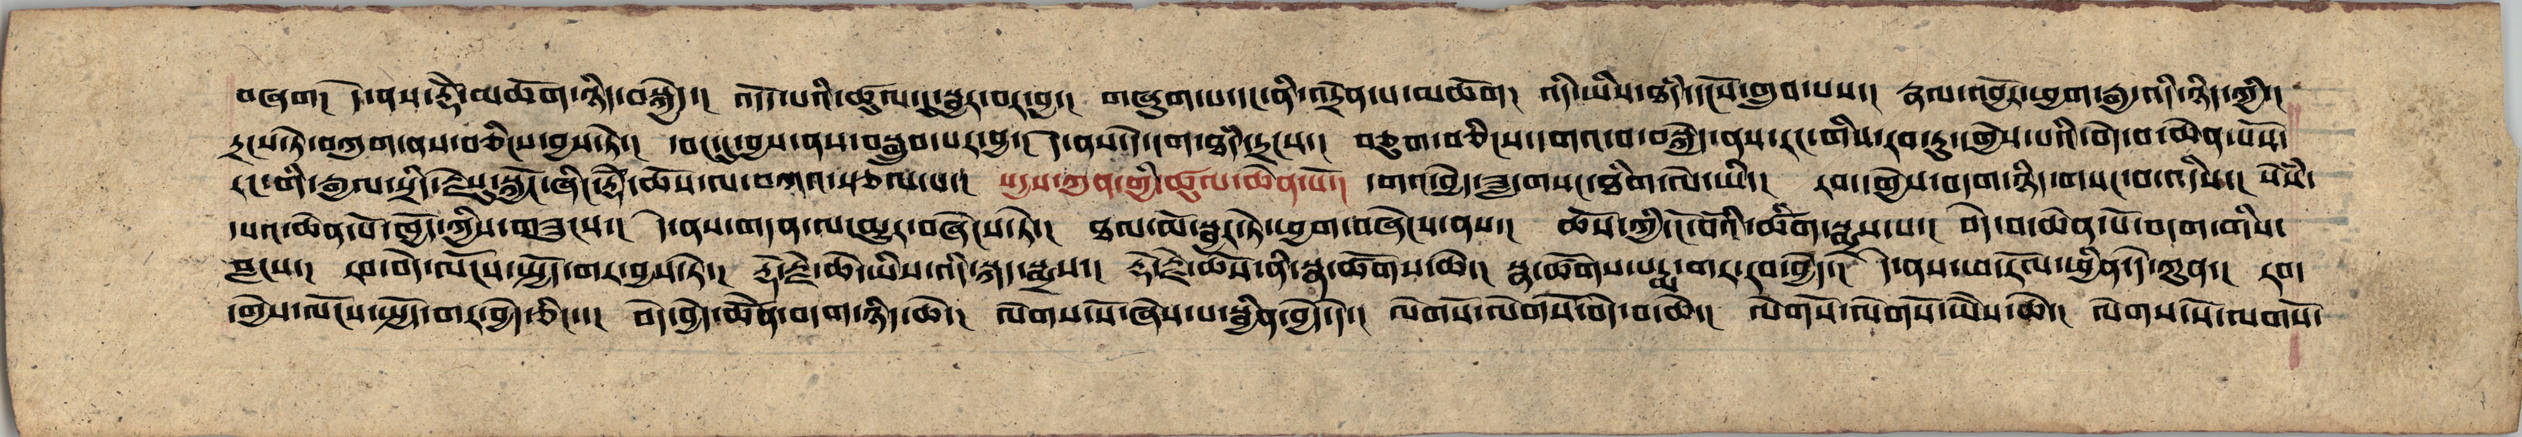བཞག། དེ་ནས་རྡོེ་མཆོག་ཉིད་བསྐྱེད་། འདོད་པའི་ཚུལ་དུ་སྦྱར་བར་བྱ་། གཞུག་པ་དང་ནི་འདྲེན་པ་མཆོག། འདི་ཡིས་ཐདཾ་དངོས་གྲུབ་པས་། རྣལ་འབྱོར་ཕྱག་རྒྱ་འདི་ཉིད་ཀྱི་།
དྲངས་ཏེ་བཀུག་ནས་བཅིངས་བྱས་ཏེ་། དབང་དུ་བྱས་ནས་བསྒྲུབ་པར་བྱ་། དེ་ནས་དེ་དག་ཐདཾ་དྲངས་། བཅུག་བཅིངས་དགའ་བ་བསྐྱེད་ནས་རང་གིས་རབ་ཏུ་དགྱེས་པའི་བདེ་བ་ཆེན་པོས་
རང་གི་རྒྱལ་སྲིད་རྗེསུ་སྐྱོང་ཞིང་རྡོེ་ཆོས་ལ་བཀའ་སྩལ་པ་། སདྱས་ཀུན་གྱི་ཚུལ་ཆེན་པོ་། དགའ་བྱེད་ཟླ་གསང་ཐིག་ལེ་ཡི་། རབ་དགྱེས་བདག་ཉིད་གསང་བ་འདིས་། སེཾས་
དཔའ་ཆེན་པོ་ཁྱོད་ཀྱིས་གཟུངས་། དེ་ནས་གདན་ལ་མྱུར་བཞེངས་ཏེ་། ཐལ་མོ་སྦྱར་ཏེ་ཕྱག་བཞེངས་ནས་། ཆོས་ཀྱི་ངོ་བོའི་ཚིག་སྨྲས་པ་། བདེ་བ་ཆེན་པོ་བདག་གིས་
བླངས་། རབ་བདེ་ལོངས་སྤྱོད་གར་བྱས་ཏེ་། རྡོ་རྗེ་ཆེ་ཡིས་འདི་སྐད་སྨྲས་། རྡོ་རྗེ་ཆོས་ནི་སྣ་ཚོགས་ཆེ་། སྣ་ཚོགས་པདྨ་གར་རབ་བྱེད་། དེ་ནས་ཕ་རོལ་ཕྱིན་དེ་ཀུན་། རབ་
དགྱེས་ལོངས་སྤྱོད་གར་བྱེད་ཅིང་་། བདེ་བྱེད་ཆེནོ་བདག་ཉིད་ཆེ་། ལེགས་སོ་ཞེས་པ་སྦྱིན་བྱེད་དེ་། ལེགསོ་ལེགསོ་བདེ་བ་ཆེ་། ལེགསོ་ལེགསོ་ཡཻས་ཆེ་། ལེགས་སོ་ལགསོ་